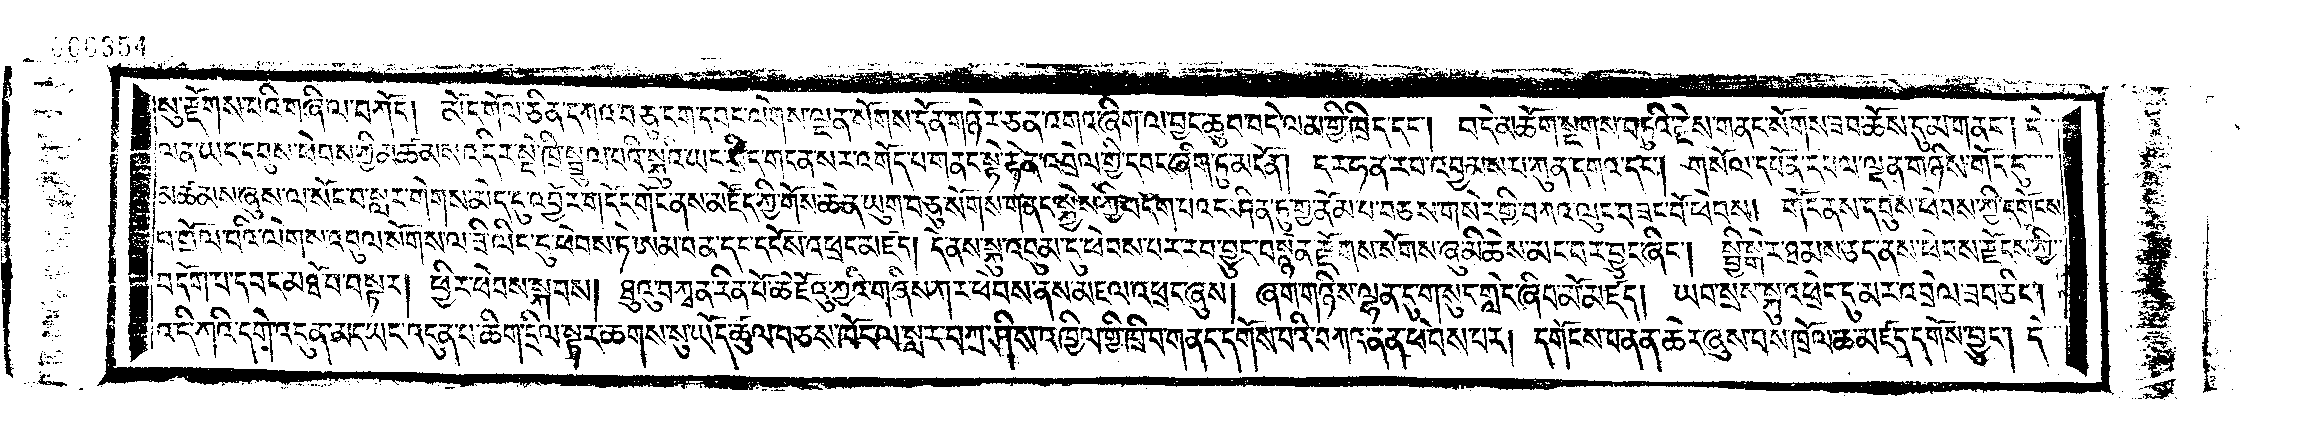སུ་རྫོགས་པའི་གཞི་ལ་བཀོད། མོང་གོལ་ཅིན་དཀའ་བཅུ་ངག་དབང་ལེགས་ལྡན་སོགས་དོན་གཉེར་ཅན་འགའ་ཞིག་ལ་བྱང་ཆུབ་བདེ་ལམ་གྱི་ཁྲིད་དང་། བདེ་མཆོག་སྔགས་བཏུའི་རྗེས་གནང་སོགས་ཟབ་ཆོས་དུ་མ་གནང་། དེ་
ལན་ཡང་དབུས་ཕེབས་ཀྱི་མཚམས་འདིར་སྡེ་ཁྲི་སྤྲུལ་པའི་སྐུའི་ཡང་སྲིད་གདན་སར་འགོད་པ་གནང་སྟེ་རྟེན་འབྲེལ་གྱི་དབང་ཞིག་ཏུ་མངོན། དར་ཧན་རབ་འབྱམས་པ་ཀུན་དགའ་དང་། གསོལ་དཔོན་དཔལ་ལྡན་གཉིས་གོང་དུ་
མཚམས་ཞུས་ལ་སོང་བ་སླར་གེགས་མེད་དུ་འབྱོར་གདོང་གོང་ནས་མཛོད་ཀྱི་གོས་ཆེན་ཡུག་བཅུ་སོགས་གནང་སྐྱེས་ཀྱི་བདོག་པའང་ཤིན་ཏུ་གྱ་ནོམ་པ་བཅས་གསེར་གྱི་བཀའ་ལུང་བཟང་པོ་ཕེབས། གོང་ནས་དབུས་ཕེབས་ཀྱི་དགོང་
པ་གྲོལ་པའི་ལེགས་འབུམ་སོགས་ལ་ཟི་ལིང་དུ་ཕེབས་ཏེ་ཨམ་བན་དང་དངོས་འཕྲད་མཛད། དེ་ནས་སྐུ་འབུམ་དུ་ཕེབས་པར་རབ་བྱུང་བསྙེན་རྫོགས་སོགས་ཞུ་མི་ཆེས་མང་བར་བྱུང་ཞིང་། སྤྱི་སྒེར་ཐམས་ཅད་ནས་ཕེབས་རྫོངས་ཀྱི་
བདོག་པ་དབང་མཐོ་བ་བསྟར། ཕྱིར་ཕེབས་སྐབས། ཐུའུ་བཀྭན་རིན་པོ་ཆེ་ཇོའུ་ཀྱའི་གཞིས་ཀར་ཕེབས་ནས་མཇལ་འཕྲང་ཞུས། ཞག་གཉིས་ལྷན་དུ་གསུང་གླེང་ཞིབ་མོ་མཛད། ཡབ་སྲས་སྐུ་འཕྲེང་དུ་མར་འབྲེལ་ཟབ་ཅིང་།
འདི་ཀའི་དགེ་འདུན་མང་ཡང་འདུན་པ་ཆིག་དྲིལ་སྟར་ཆགས་སུ་ཡོད་ཚུལ་བཅས་ཁོང་ལ་སྔར་བཀྲ་ཤིས་འཁྱིལ་གྱི་ཁྲི་བ་གནང་དགོས་པའི་བཀའ་ནན་ཕེབས་པར། དགོངས་པ་ནན་ཆེར་ཞུས་པས་ཁྲོལ་ཆ་མཛད་དགོས་བྱུང་། དེ་